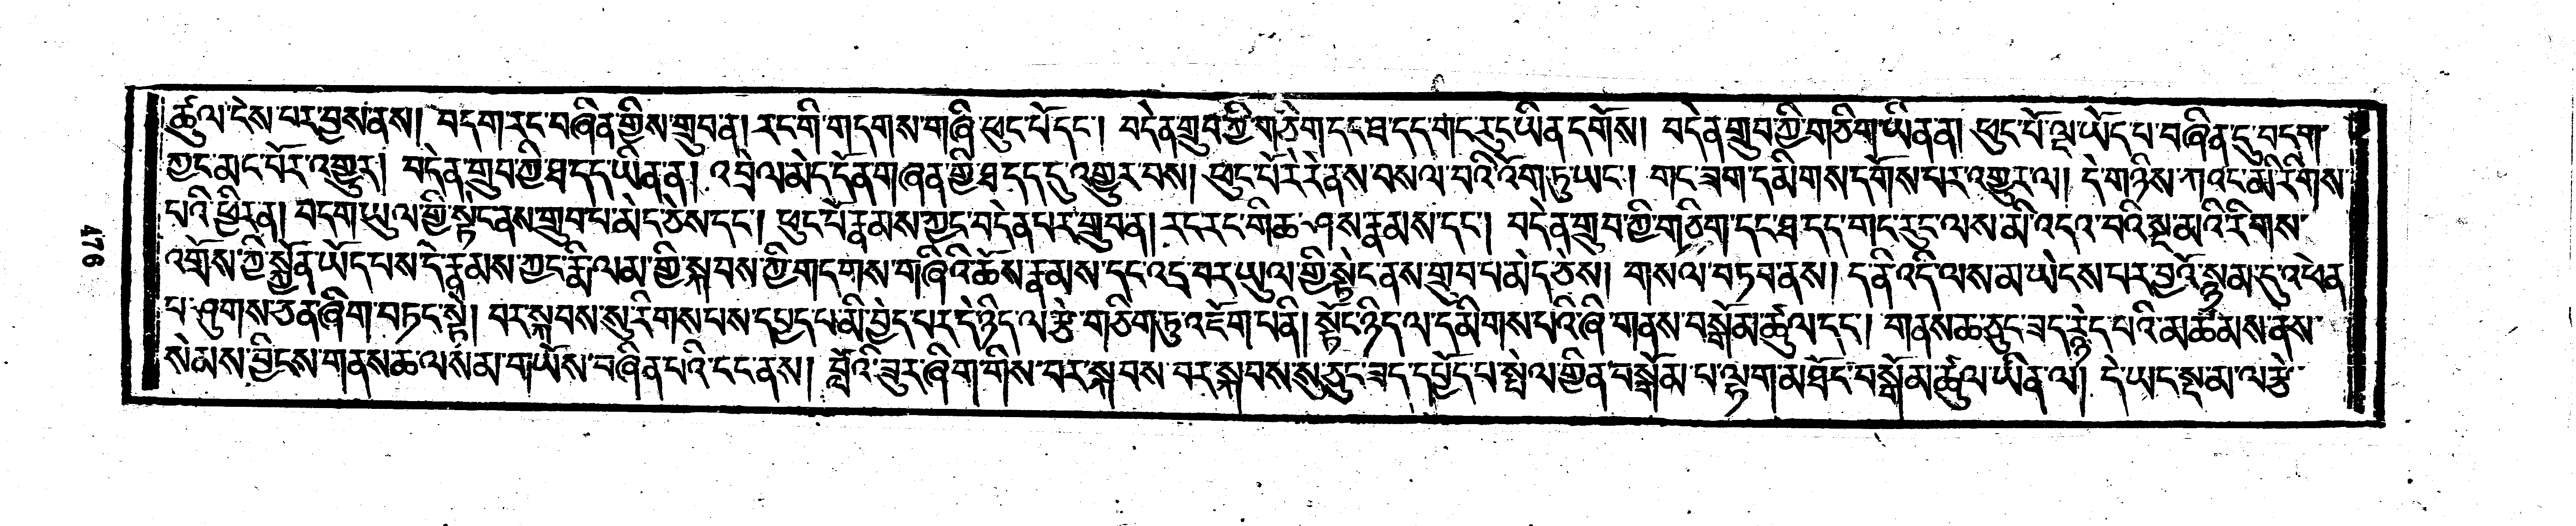ཚུལ་ངེས་པར་བྱས་ནས། བདག་རང་བཞིན་གྱིས་གྲུབ་ན། རང་གི་གདགས་གཞི་ཕུང་པོ་དང་། བདེན་གྲུབ་ཀྱི་གཅིག་དང་ཐ་དད་གང་རུང་ཡིན་དགོས། བདེན་གྲུབ་ཀྱི་གཅིག་ཡིན་ན། ཕུང་པོ་ལྔ་ཡོད་པ་བཞིན་དུ་བདག་
ཀྱང་མང་པོར་འགྱུར། བདེན་གྲུབ་ཀྱི་ཐ་དད་ཡིན་ན། འབྲེལ་མེད་དོན་གཞན་གྱི་ཐ་དད་དུ་འགྱུར་བས། ཕུང་པོ་རེ་རེ་ནས་གསལ་བའི་འོག་ཏུ་ཡང་། གང་ཟག་དམིགས་དགོས་པར་འགྱུར་ལ། དེ་གཉིས་ཀའང་མི་རིགས་
པའི་ཕྱིར་ན། བདག་ཡུལ་གྱི་སྟེང་ནས་གྲུབ་པ་མེད་ཅེས་དང་། ཕུང་པོ་རྣམས་ཀྱང་བདེན་པར་གྲུབ་ན། རང་རང་གི་ཆ་ཤས་རྣམས་དང་། བདེན་གྲུབ་ཀྱི་གཅིག་དང་ཐ་དད་གང་རུང་ལས་མི་འདའ་བའི་སྔ་མའི་རིགས་
འགྲོས་ཀྱི་སྐྱོན་ཡོད་པས་དེ་རྣམས་ཀྱང་རྨི་ལམ་གྱི་སྐབས་ཀྱི་གདགས་གཞིའི་ཆོས་རྣམས་དང་འདྲ་བར་ཡུལ་གྱི་སྟེང་ནས་གྲུབ་པ་མེད་ཅེས། གསལ་བཏབ་ནས། ད་ནི་འདི་ལས་མ་ཡེངས་པར་བྱའོ་སྙམ་དུ་འཕེན་
པ་ཤུགས་ཅན་ཞིག་བཏང་སྟེ། བར་སྐབས་སུ་རིགས་པས་དཔྱད་པ་མི་བྱེད་པར་དེ་ཉིད་ལ་རྩེ་གཅིག་ཏུ་འཇོག་པ་ནི། སྟོང་ཉིད་ལ་དམིགས་པའི་ཞི་གནས་བསྒོམ་ཚུལ་དང་། གནས་ཆ་ཅུང་ཟད་རྙེད་པའི་མཚམས་ནས་
སེམས་བྱིངས་གནས་ཆ་ལས་མ་གཡོས་བཞིན་པའི་ངང་ནས། བློའི་ཟུར་ཞིག་གིས་བར་སྐབས་བར་སྐབས་སུ་ཅུང་ཟད་དཔྱོད་པ་སྤེལ་གྱིན་བསྒོམ་པ་ལྷག་མཐོང་བསྒོམ་ཚུལ་ཡིན་ལ། དེ་ཡང་སྔ་མ་ལ་རྩེ་